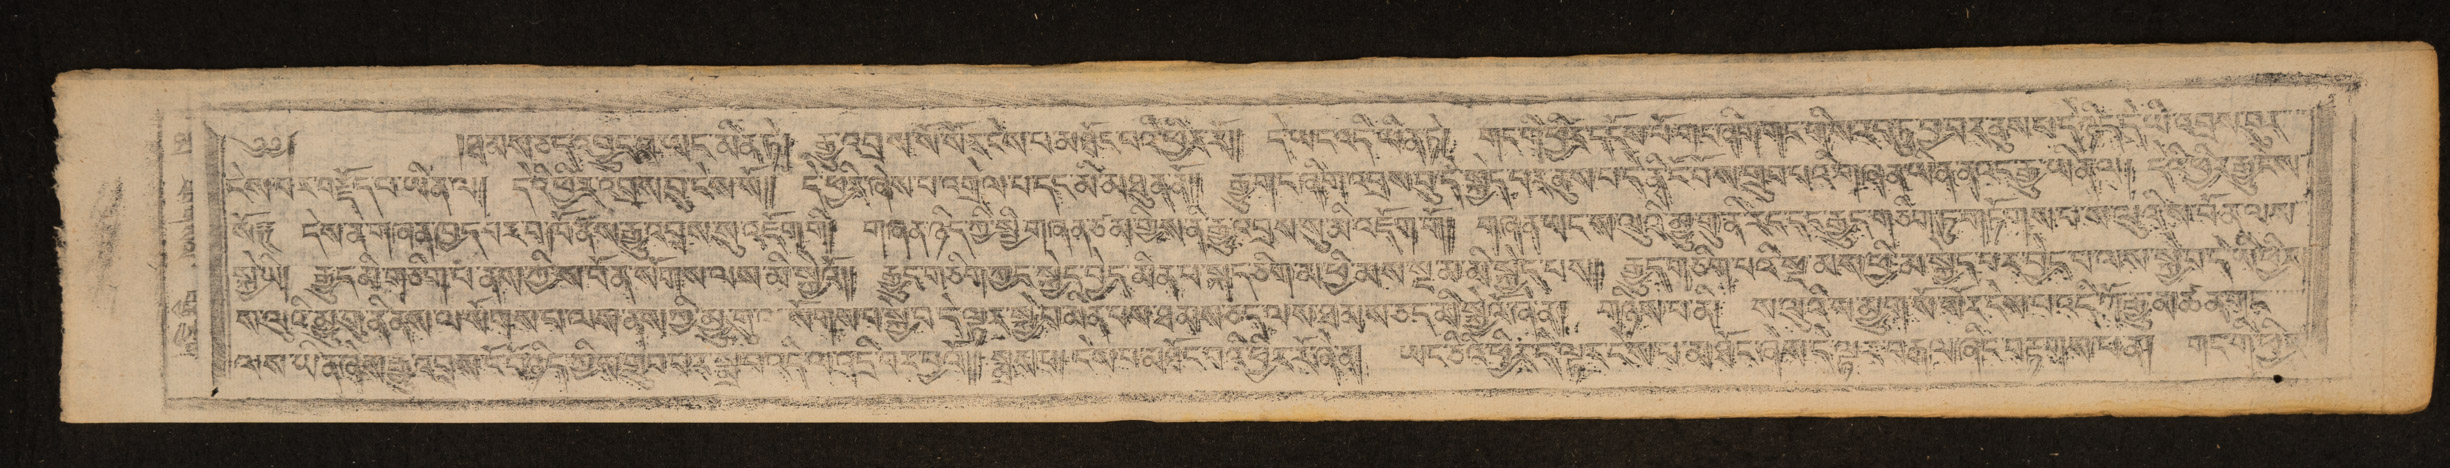༄༅། །ཐམས་ཅད་འབྱུང་བ་ཡང་མིན་ཏེ། རྒྱུ་འབྲས་སོ་སོར་ངེས་པ་མཐོང་བའི་ཕྱིར་རོ།། དེ་ཡང་འདི་ཡིན་ཏེ། གང་གི་ཕྱིར་དངོས་པོ་གང་ཞིག་གང་གིས་རབ་ཏུ་བྱ་བར་ནུས་པ་དེ་ཉིད་དེ་ཡི་འབྲས་བུར་
ངེས་པར་བརྗོད་པ་ཡིན་ལ། དེའི་ཕྱིར་འབྲས་བུ་ངེས་སོ།། དེ་ཕྱིར་ཞེས་པ་འགྲེལ་པ་དང་མི་མཐུན་ནོ།། རྒྱུ་གང་ཞིག་འབྲས་བུ་དེ་སྐྱེད་པར་ནུས་པ་དེ་ནི་ངོ་བོས་གྲུབ་པའི་གཞན་ཡིན་ནའང་རྒྱུ་ཡིན་ལ། དེའི་ཕྱིར་རྒྱུ་ངེས་
སོ༑༑ དེས་ན་གཞན་ཁྱད་པར་བ་ཁོ་ནས་རྒྱུ་འབྲས་སུ་འཇོག་གི། གཞན་ཉིད་ཀྱི་སྤྱི་གཞན་ཙམ་གྱིས་ནི་རྒྱུ་འབྲས་སུ་མི་འཇོག་གོ། གཞན་ཡང་ས་ལུའི་མྱུ་གུ་ནི་རང་དང་རྒྱུད་གཅིག་ཏུ་གཏོགས་པ་ས་ལུའི་ས་བོན་ལས་
སྐྱེ་ཡི། རྒྱུད་མི་གཅིག་པ་ནས་ཀྱི་ས་བོན་སོགས་ལས་མི་སྐྱེའོ།། རྒྱུད་གཅིག་ཀྱང་སྐྱེད་བྱེད་མིན་པ་སྐད་ཅིག་མ་ཕྱི་མས་སྔ་མ་མི་སྐྱེད་པས། རྒྱུད་གཅིག་པའི་སྔ་མས་ཕྱི་མ་སྐྱེད་པར་བྱེད་པ་ལས་སྐྱེ་བ་དེ་ཡི་ཕྱིར།
ས་ལུའི་མྱུ་གུ་ནི་ནས་ལ་སོགས་པ་ལས་ནས་ཀྱི་མྱུ་གུ་ལ་སོགས་པ་སྐྱེ་བ་དེ་ལྟར་སྐྱེ་བ་མིན་པས་ཐམས་ཅད་ལས་ཐམས་ཅད་མི་སྐྱེའོ་ཞེ་ན། གཉིས་པ་ནི། ས་ལུའི་ས་མྱུག་སོ་སོར་ངེས་པ་འདི་ཀོ་རྒྱུ་མཚན་གང་
ལས་ཡིན་ཞེས་རྒྱུ་འབྲས་ངོ་བོ་ཉིད་ཀྱིས་གྲུབ་པར་སྨྲ་བ་འདི་ལ་འདྲི་བར་བྱའོ།། སྨྲས་པ། ངེས་པ་མཐོང་བའི་ཕྱིར་རོ་ཞེ་ན། ཡང་ཅིའི་ཕྱིར་དེ་ལྟར་ངེས་པ་མཐོང་ཞེས་དེ་ལྟར་བརྒལ་ཞིང་བརྟགས་པ་ན། གང་གི་ཕྱིར་